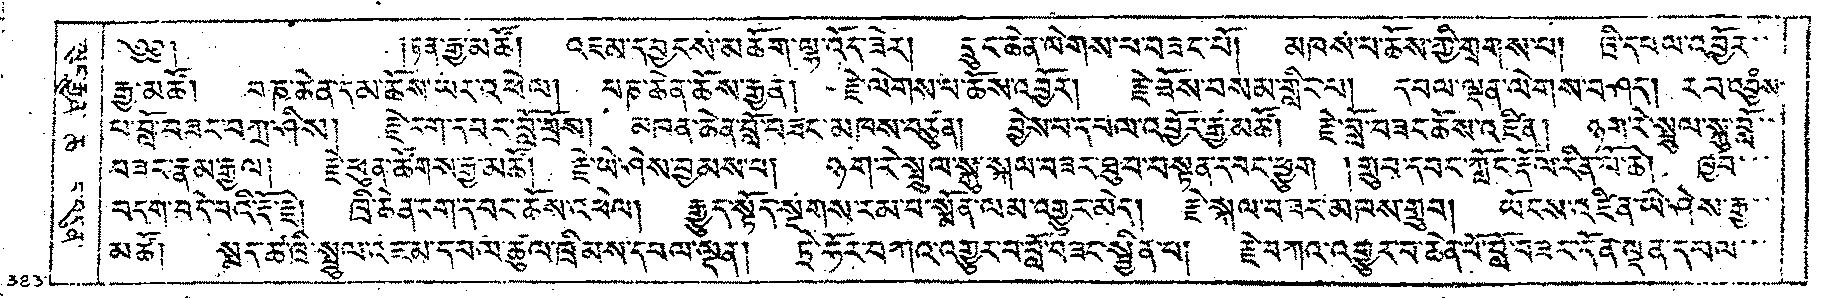༄༅། །ཏན་རྒྱ་མཚོ། འཇམ་དབྱངས་མཆོག་ལྷ་འོད་ཟེར། དྲུང་ཆེན་ལེགས་པ་བཟང་པོ། མཁས་པ་ཆོས་ཀྱི་གྲགས་པ། ཁྲི་དཔལ་འབྱོར་
རྒྱ་མཚོ། པཎ་ཆེན་དམ་ཆོས་ཡར་འཕེལ། པཎ་ཆེན་ཆོས་རྒྱན། རྗེ་ལེགས་པ་ཆོས་འབྱོར། རྗེ་ཐོས་བསམ་གླིང་པ། དཔལ་ལྡན་ལེགས་བཤད། རབ་འབྱམས་
པ་བློ་བཟང་བཀྲ་ཤིས། རྗེ་ངག་དབང་བློ་གྲོས། མཁན་ཆེན་བློ་བཟང་མཁས་བཙུན། བྱེས་པ་དཔལ་འབྱོར་རྒྱ་མཚོ། རྗེ་བློ་བཟང་ཆོས་འཛིན། ཉག་རེ་སྤྲུལ་སྐུ་བློ་
བཟང་རྣམ་རྒྱལ། རྗེ་ཕུན་ཚོགས་རྒྱ་མཚོ། རྗེ་ཡེ་ཤེས་བྱམས་པ། ཉག་རེ་སྤྲུལ་སྐུ་སྐལ་བཟང་ཐུབ་བསྟན་དབང་ཕྱུག །གྲུབ་དབང་ཀློང་རྡོལ་རིན་པོ་ཆེ། ཁྱབ་
བདག་བདེ་བའི་རྡོ་རྗེ། ཁྲི་ཆེན་ངག་དབང་ཆོས་འཕེལ། རྒྱུད་སྟོད་སྔགས་རམ་པ་སྨོན་ལམ་འགྱུར་མེད། རྗེ་སྐལ་བཟང་མཁས་གྲུབ། ཡོངས་འཛིན་ཡེ་ཤེས་རྒྱ་
མཚོ། སྨད་ཚ་ཁྲི་སྤྲུལ་འཇམ་དཔལ་ཚུལ་ཁྲིམས་དཔལ་ལྡན། ཏྲེ་ཧོར་བཀའ་འགྱུར་བ་བློ་བཟང་སྦྱིན་པ། རྗེ་བཀའ་འགྱུར་བ་ཆེན་པོ་བློ་བཟང་དོན་ལྡན་དཔལ་